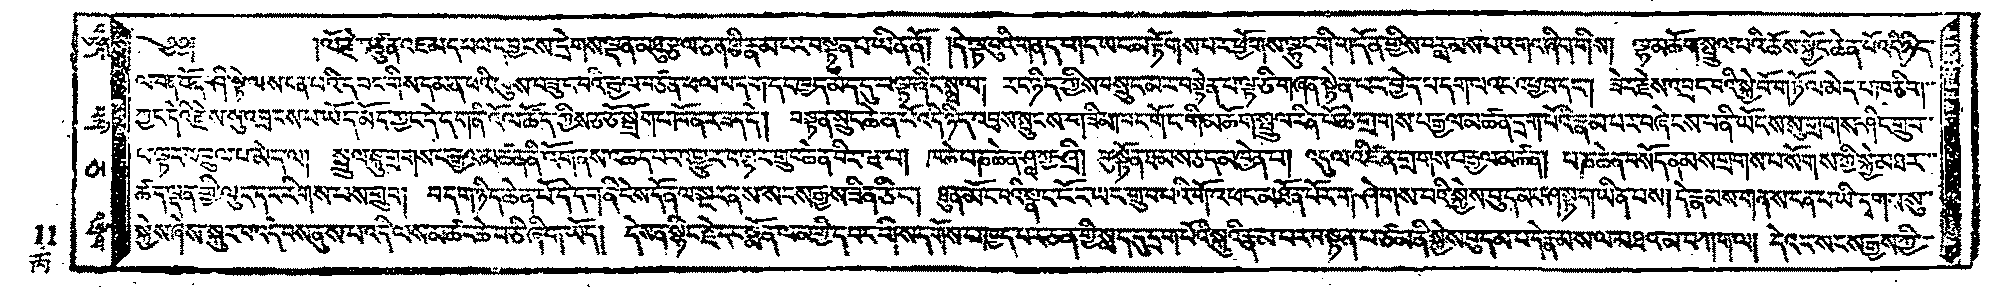༄༅། །ལོ་རྗེ་བཙུན་འཇམ་དཔལ་དབྱངས་དྲེགས་ལྡན་མཐུ་རྩལ་ཅན་གྱི་རྣམ་པར་བསྟན་པ་ཡིན་ནོ། །དེ་ལྟ་བུའི་གནད་གང་ཡང་མ་རྟོགས་པར་ཕྱོགས་ལྷུང་གི་གདོན་གྱིས་བརླམས་པ་འགའ་ཞིག་གིས། ལྷ་མཆོག་སྤྲུལ་པའི་ཆོས་སྐྱོང་ཆེན་པོ་འདི་ཉིད་
ལ་བན་བོན་ཤི་སྟེ་ལས་ངན་པའི་དབང་གིས་དམན་པའི་ལུས་བཟུང་བའི་རྒྱལ་བ་ཙན་ཕལ་པ་དག་དང་ཁྱད་མེད་དུ་བལྟ་ཞིང་སྨྲ་ལ། རང་ཉིད་ཀྱིས་བསྲུང་མར་བསྟེན་པ་ལྟ་ཅི་གཞན་སྟེན་པར་བྱེད་པ་དག་ལའང་འཕྱ་བ་དང་། ཟེར་རྗེས་འབྲང་བའི་སྐྱེ་བོ་གཏོལ་མེད་པ་ཁ་ཅིག་
ཀྱང་དེའི་རྗེས་སུ་འབྲངས་པ་ཡོད་མོད་ཀྱང་དེ་དག་ནི་འོལ་ཚོད་ཀྱིས་ཅ་ཅོ་སྒྲོག་པ་ཁོ་ནར་ཟད་དེ། བསྟན་སྲུང་ཆེན་པོ་འདི་ཉིད་འབྲས་སྤུངས་གཟིམ་ཁང་གོང་གི་མཆོག་སྤྲུལ་རིན་པོ་ཆེ་གྲགས་པ་རྒྱལ་མཚན་དྲག་པོའི་རྣམ་པར་བཞེངས་པ་ནི་ཡོངས་སུ་གྲགས་ཤིང་གྲུབ་
པ་ལྟར་འཁྲུལ་པ་མེད་ལ། སྤྲུལ་སྐུ་གྲགས་པ་རྒྱལ་མཚན་ནི་འོག་ནས་འཆད་པར་འགྱུར་བ་ལྟར་གྲུབ་ཆེན་བིར་ཝ་པ། ཁ་ཆེ་པཎ་ཆེན་ཤཱཀྱ་ཤྲི། བུ་སྟོན་ཐམས་ཅད་མཁྱེན་པ། འདུལ་འཛིན་གྲགས་པ་རྒྱལ་མཚན། པཎ་ཆེན་བསོད་ནམས་གྲགས་པ་སོགས་ཀྱི་སྐྱེ་མཐར་
ཚད་ལྡན་གྱི་ལུང་དང་རིགས་པས་གྲུབ། བདག་ཉིད་ཆེན་པོ་དེ་དག་ནི་ངེས་དོན་ལ་སྔར་ནས་སངས་རྒྱས་ཟིན་ཅིང་། ཐུན་མོང་བའི་སྣང་ངོར་ཡང་གྲུབ་པའི་གོ་འཕང་མཐོན་པོར་གཤེགས་པའི་སྐྱེས་བུ་དམ་པ་ཤ་སྟག་ཡིན་པས། དེ་རྣམས་གནས་ངན་པ་ཡི་དྭགས་སུ་
སྐྱེས་ཞེས་སྐུར་བ་འདེབས་ནུས་པ་འདི་ལས་མ་ཚང་ཆེ་བ་ཅི་ཞིག་ཡོད། དེས་ན་སྙིང་རྗེ་དང་སྨོན་ལམ་གྱི་དབང་གིས་དགོས་པ་ཁྱད་པར་ཅན་གྱི་སླད་དུ་དྲག་པོའི་སྐུའི་རྣམ་པར་བསྟན་པ་ཙམ་ནི་སྐྱེས་བུ་དམ་པ་དེ་རྣམས་ལ་མཐའ་མ་བཀག་ལ། དེའང་སངས་རྒྱས་ཀྱི་